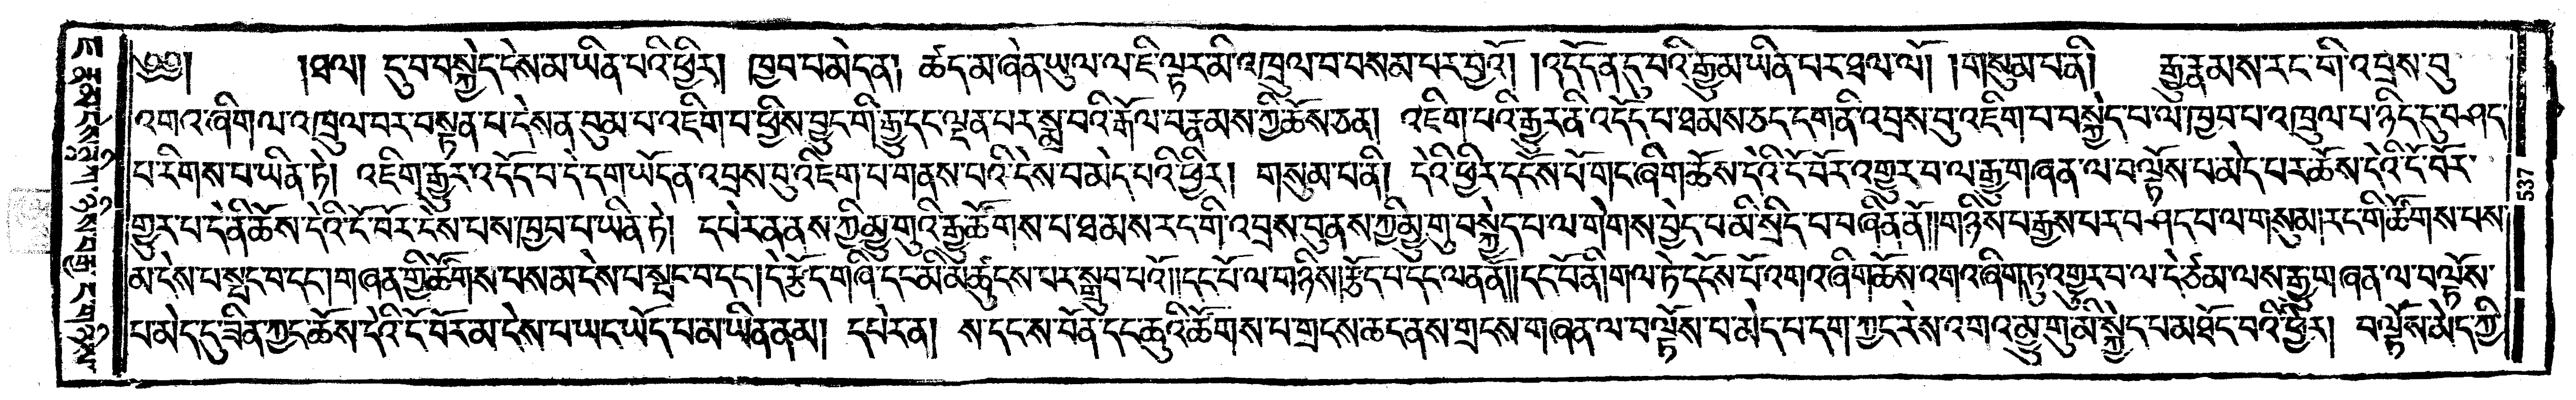༄༅། །ཐལ། དུ་བ་བསྐྱེད་ངེས་མ་ཡིན་པའི་ཕྱིར། ཁྱབ་པ་མེད་ན། ཚད་མ་ཞེན་ཡུལ་ལ་ཇི་ལྟར་མི་འཁྲུལ་བ་བསམ་པར་བྱའོ། །འདོད་ན་དུ་བའི་རྒྱུ་མ་ཡིན་པར་ཐལ་ལོ། །གསུམ་པ་ནི། རྒྱུ་རྣམས་རང་གི་འབྲས་བུ་
འགའ་ཞིག་ལ་འཁྲུལ་བར་བསྟན་པ་དེས་ན་བུམ་པ་འཇིག་པ་ཕྱིས་བྱུང་གི་རྒྱུ་དང་ལྡན་པར་སྨྲ་བའི་རྒོལ་བ་རྣམས་ཀྱི་ཆོས་ཅན། འཇིག་པའི་རྒྱུར་ནི་འདོད་པ་ཐམས་ཅད་དག་ནི་འབྲས་བུ་འཇིག་པ་བསྐྱེད་པ་ལ་ཁྱབ་པ་འཁྲུལ་པ་ཉིད་དུ་བཤད་
པ་རིགས་པ་ཡིན་ཏེ། འཇིག་རྒྱུར་འདོད་པ་དེ་དག་ཡོད་ན་འབྲས་བུ་འཇིག་པ་གནས་པའི་ངེས་པ་མེད་པའི་ཕྱིར། གསུམ་པ་ནི། དེའི་ཕྱིར་དངོས་པོ་གང་ཞིག་ཆོས་དེའི་ངོ་བོར་འགྱུར་བ་ལ་རྒྱུ་གཞན་ལ་བལྟོས་པ་མེད་པར་ཆོས་དེའི་ངོ་བོར་
གྱུར་པ་དེ་ནི་ཆོས་དེའི་ངོ་བོར་ངེས་པས་ཁྱབ་པ་ཡིན་ཏེ། དཔེར་ན་ནས་ཀྱི་མྱུ་གུའི་རྒྱུ་ཚོགས་པ་ཐ་མས་རང་གི་འབྲས་བུ་ནས་ཀྱི་མྱུ་གུ་བསྐྱེད་པ་ལ་གེགས་བྱེད་པ་མི་སྲིད་པ་བཞིན་ནོ། །གཉིས་པ་རྒྱས་པར་བཤད་པ་ལ་གསུམ། རང་གི་ཚོགས་པས་
མ་ངེས་པ་སྤང་བ་དང་། གཞན་གྱི་ཚོགས་པས་མ་ངེས་པ་སྤང་བ་དང་། དེ་རྩོད་གཞི་དང་མི་མཚུངས་པར་སྒྲུབ་པའོ། །དང་པོ་ལ་གཉིས། རྩོད་པ་དང་ལན་ནོ། །དང་པོ་ནི། གལ་ཏེ་དངོས་པོ་འགའ་ཞིག་ཆོས་འགའ་ཞིག་ཏུ་འགྱུར་བ་ལ་དེ་ཙམ་ལས་རྒྱུ་གཞན་ལ་བལྟོས་
པ་མེད་དུ་ཟིན་ཀྱང་ཆོས་དེའི་ངོ་བོར་མ་ངེས་པ་ཡང་ཡོད་པ་མ་ཡིན་ནམ། དཔེར་ན། ས་དང་ས་བོན་དང་ཆུའི་ཚོགས་པ་གྲངས་ཆད་ནས་གྲངས་གཞན་ལ་བལྟོས་པ་མེད་པ་དག་ཀྱང་རེས་འགའ་མྱུ་གུ་མི་སྐྱེད་པ་མཐོང་བའི་ཕྱིར། བལྟོས་མེད་ཀྱི་